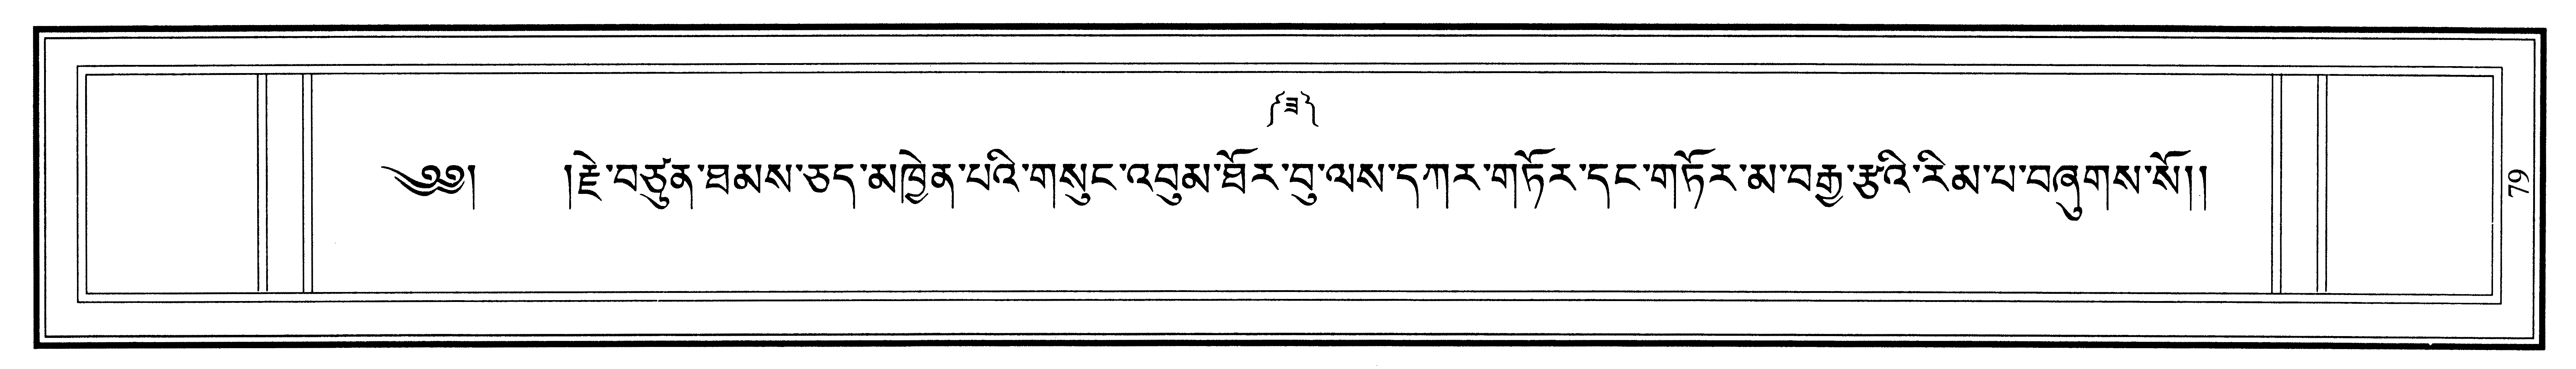༄༅། །རྗེ་བཙུན་ཐམས་ཅད་མཁྱེན་པའི་གསུང་འབུམ་ཐོར་བུ་ལས་དཀར་གཏོར་དང་གཏོར་མ་བརྒྱ་རྩའི་རིམ་པ་བཞུགས་སོ།།